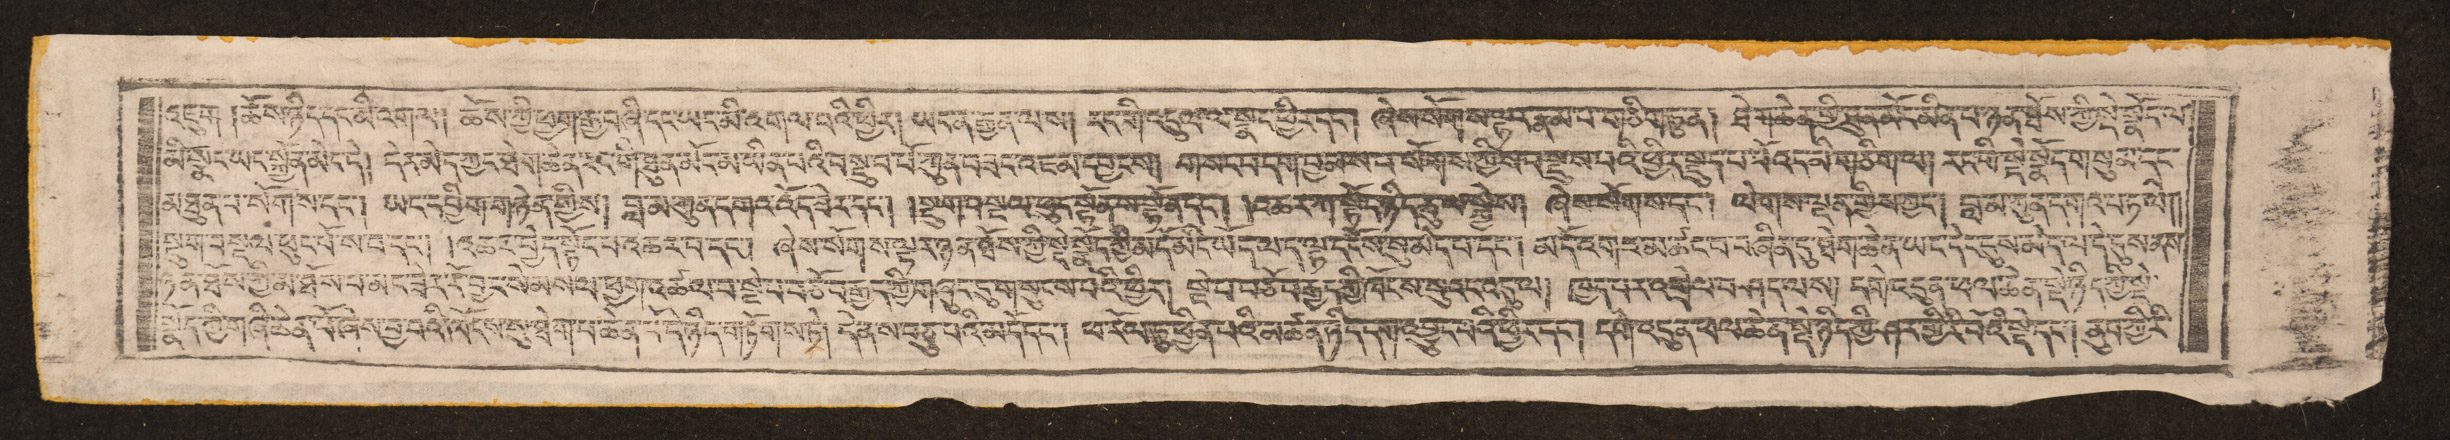འཇུག །ཆོས་ཉིད་དང་མི་འགལ། ཆོས་ཀྱི་ཕྱག་རྒྱ་བཞི་དང་ཡང་མི་འགལ་བའི་ཕྱིར། ཡང་ན་རྒྱན་ལས། རང་གི་འདུལ་ལ་སྣང་ཕྱིར་དང་། ཞེས་སོགས་ལྟར་རྣམ་པ་གཅིག་ཏུ་ན། ཐེག་ཆེན་གྱི་ཐུན་མོང་མིན་པ་ཉན་ཐོས་ཀྱི་སྡེ་སྣོད་ལ་
མི་སྣང་ཡང་སྐྱོན་མེད་དེ། དེར་མེད་ཀྱང་ཐེག་ཆེན་རང་གི་ཐུན་མོང་མ་ཡིན་པའི་བསྡུ་བ་པོ་ཀུན་བཟང་འཇམ་དབྱངས། གསང་བདག་བྱམས་པ་སོགས་ཀྱིས་བསྡུས་པའི་ཕྱིར་སྡུད་པ་པོའད་མི་གཅིག་ལ། རང་གི་སྡེ་སྣོད་གསུམ་དང་
མཐུན་པ་སོགས་དང་། ཡང་དབྱིག་གཉེན་གྱིས། བླ་མ་ཀུན་དགའ་འོད་ཟེར་དང་། །སྡུག་བསྔལ་ཕུང་སྟོན་ས་སྟོན་དང་། །འཆར་ཀ་སྟོང་ཉིད་ཆུ་ལ་སྐྱེས། ཞེས་སོགས་དང་། ལེགས་ལྡན་གྱིས་ཀྱང་། བླ་མ་ཀུན་དགའ་པ་ཏ་ལི།།
སྡུག་བསྔལ་ཕུང་པོ་ས་བ་དང་། །འཆར་བྱེད་སྟོང་པ་འཆར་བ་དང་། ཞེས་སོགས་ལྟར་ཉན་ཐོས་ཀྱི་སྡེ་སྣོད་ཀྱི་མདོ་མིང་ཡོད་ལ་ད་ལྟ་དངོས་སུ་མེད་པ་དང་། མདོ་འགའ་མ་ཚང་བ་བཞིན་དུ་ཐེག་ཆེན་ཡང་དེང་དུས་མེད་ལ་དེ་དུས་ནས་
ཉན་ཐོས་ཀྱི་མཐོས་པ་མང་ཟེར་རོ་བྱང་སེམས་ལ་ཕྱག་འཚལ་བ་སྡེ་བ་བཅོ་བརྒྱད་ཀྱི་གཞུང་དུ་གསུངས་པའི་ཕྱིར། སྡེ་པ་བཅོ་བརྒྱད་ཀྱི་ཁོངས་སུའང་འདུ་ལ། ཁྱད་པར་འགྲེལ་བཤད་ལས། དགེ་འདུན་ཕལ་ཆེན་སྡེ་ཉིད་ཀྱི་སྡེ་
སྣོད་ཀྱི་གཞི་ཆེན་པོ་ཞེས་བྱ་བའི་ཁོངས་སུ་ཐེག་པ་ཆེན་པོ་དེ་ཉིད་གཏོགས་ཏེ། དེ་ནས་བཅུ་པའི་མདོ་དང་། ཕ་རོལ་ཏུ་ཕྱིན་པའི་མཚན་ཉིད་དག་འབྱུང་བའི་ཕྱིར་དང་། དགེ་འདུན་ཕལ་ཆེན་སྡེ་ཉིད་ཀྱི་ཤར་གྱི་རི་བོའི་སྡེ་དང་། ནུབ་ཀྱི་རི་